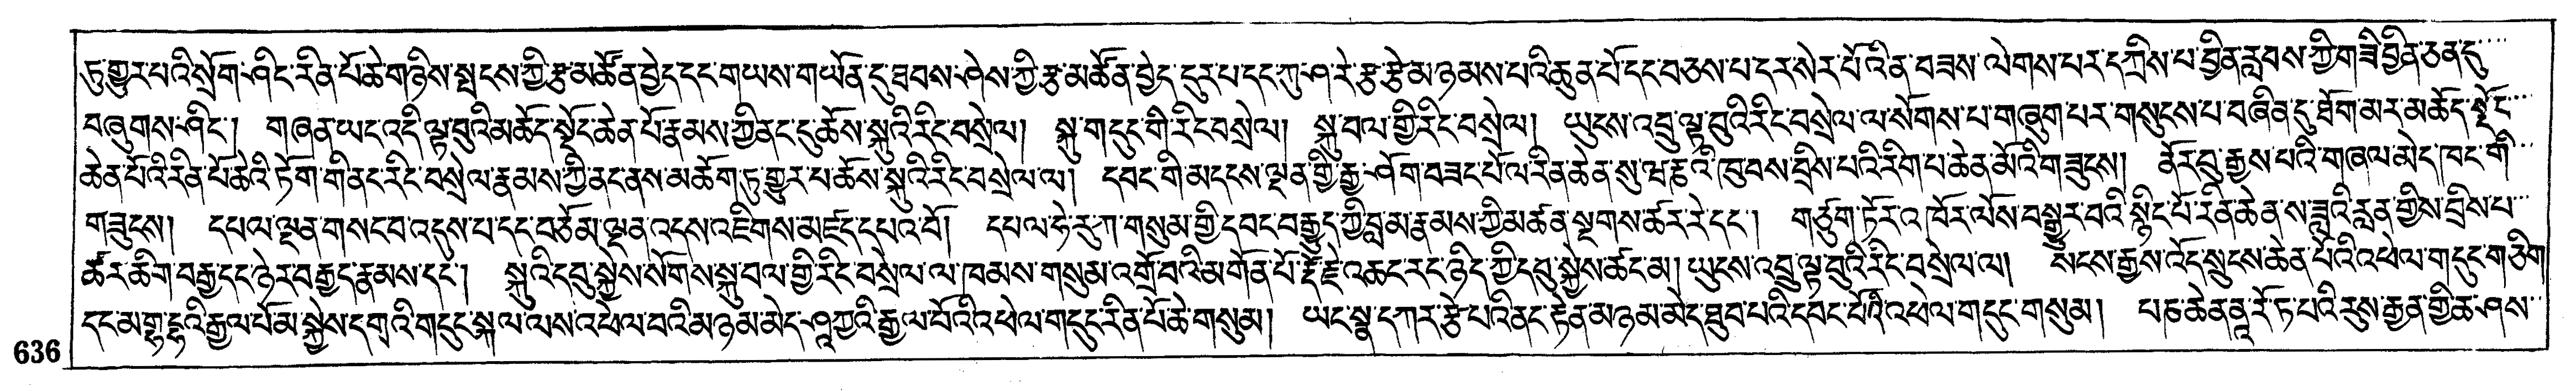ཏུ་གྱུར་པའི་སྲོག་ཤིང་རིན་པོ་ཆེ་གཉིས་སྤངས་ཀྱི་རྩ་མཚོན་བྱེད་དང་གཡས་གཡོན་དུ་ཐབས་ཤེས་ཀྱི་རྩ་མཚོན་བྱེད་དུར་པ་དང་ཀུ་ཤ་རེ་རྩ་རྩེ་མ་ཉམས་པའི་ཆུན་བོ་དང་བཅས་པ་དར་སེར་པོའི་ན་བཟས་ལེགས་པར་དཀྲིས་པ་བྱིན་རླབས་ཀྱི་གཟི་བྱིན་ཅན་དུ་
བཞུགས་ཤིང་། གཞན་ཡང་འདི་ལྟ་བུའི་མཆོད་སྡོང་ཆེན་པོ་རྣམས་ཀྱི་ནང་དུ་ཆོས་སྐུའི་རིང་བསྲེལ། སྐུ་གདུང་གི་རིང་བསྲེལ། སྐུ་བལ་གྱི་རིང་བསྲེལ། ཡུངས་འབྲུ་ལྟ་བུའི་རིང་བསྲེལ་ལ་སོགས་པ་གཞུག་པར་གསུངས་པ་བཞིན་དུ་ཐོག་མར་མཆོད་སྡོང་
ཆེན་པོའི་རིན་པོ་ཆེའི་ཏོག་གི་ནང་རིང་བསྲེལ་རྣམས་ཀྱི་ནང་ནས་མཆོག་ཏུ་གྱུར་པ་ཆོས་སྐུའི་རིང་བསྲེལ་ལ། དབང་གི་མདངས་ལྡན་གྱི་རྒྱ་ཤོག་བཟང་པོ་ལ་རིན་ཆེན་སུ་ཝརྞའི་ཁུ་བས་བྲིས་པའི་རིག་པ་ཆེན་མོའི་གཟུངས། ནོར་བུ་རྒྱས་པའི་གཞལ་མེད་ཁང་གི་
གཟུངས། དཔལ་ལྡན་གསང་བ་འདུས་པ་དང་བཅོམ་ལྡན་འདས་འཇིགས་མཛད་དཔའ་བོ། དཔལ་ཧེ་རུ་ཀ་གསུམ་གྱི་དབང་བརྒྱུད་ཀྱི་བླ་མ་རྣམས་ཀྱི་མཚན་སྔགས་ཚར་རེ་དང་། གཙུག་ཏོར་འཁོར་ལོས་བསྒྱུར་བའི་སྙིང་པོ་རིན་ཆེན་ས་ཟླའི་རླན་གྱིས་བྲིས་པ་
ཚར་ཆིག་བརྒྱ་དང་ཉེར་བརྒྱད་རྣམས་དང་། སྐུའི་དབུ་སྐྱེས་སོགས་སྐུ་བལ་གྱི་རིང་བསྲེལ་ལ་ཁམས་གསུམ་འགྲོ་བའི་མགོན་པོ་རྡོ་རྗེ་འཆང་རང་ཉིད་ཀྱི་དབུ་སྐྱེས་ཚད་མ་ཡུངས་འབྲུ་ལྟ་བུའི་རིང་བསྲེལ་ལ། སངས་རྒྱས་འོད་སྲུངས་ཆེན་པོའི་འཕེལ་གདུང་གཅིག་
དང་མ་གྷ་དྷའི་རྒྱལ་པོ་མ་སྐྱེས་དགྲའི་གདུང་སྐལ་ལས་འཕེལ་བའི་མཉམ་མེད་ཤཱཀྱའི་རྒྱལ་བོའི་འཕེལ་གདུང་རིན་པོ་ཆེ་གསུམ། ཡང་སྣ་དཀར་རྩེ་པའི་ནང་རྟན་མཉམ་མེད་ཐུབ་པའི་དབང་པོའི་འཕེལ་གདུང་གསུམ། པཎ་ཆེན་ནཱ་རོ་ཏ་པའི་རུས་རྒྱན་གྱི་ཆ་ཤས་